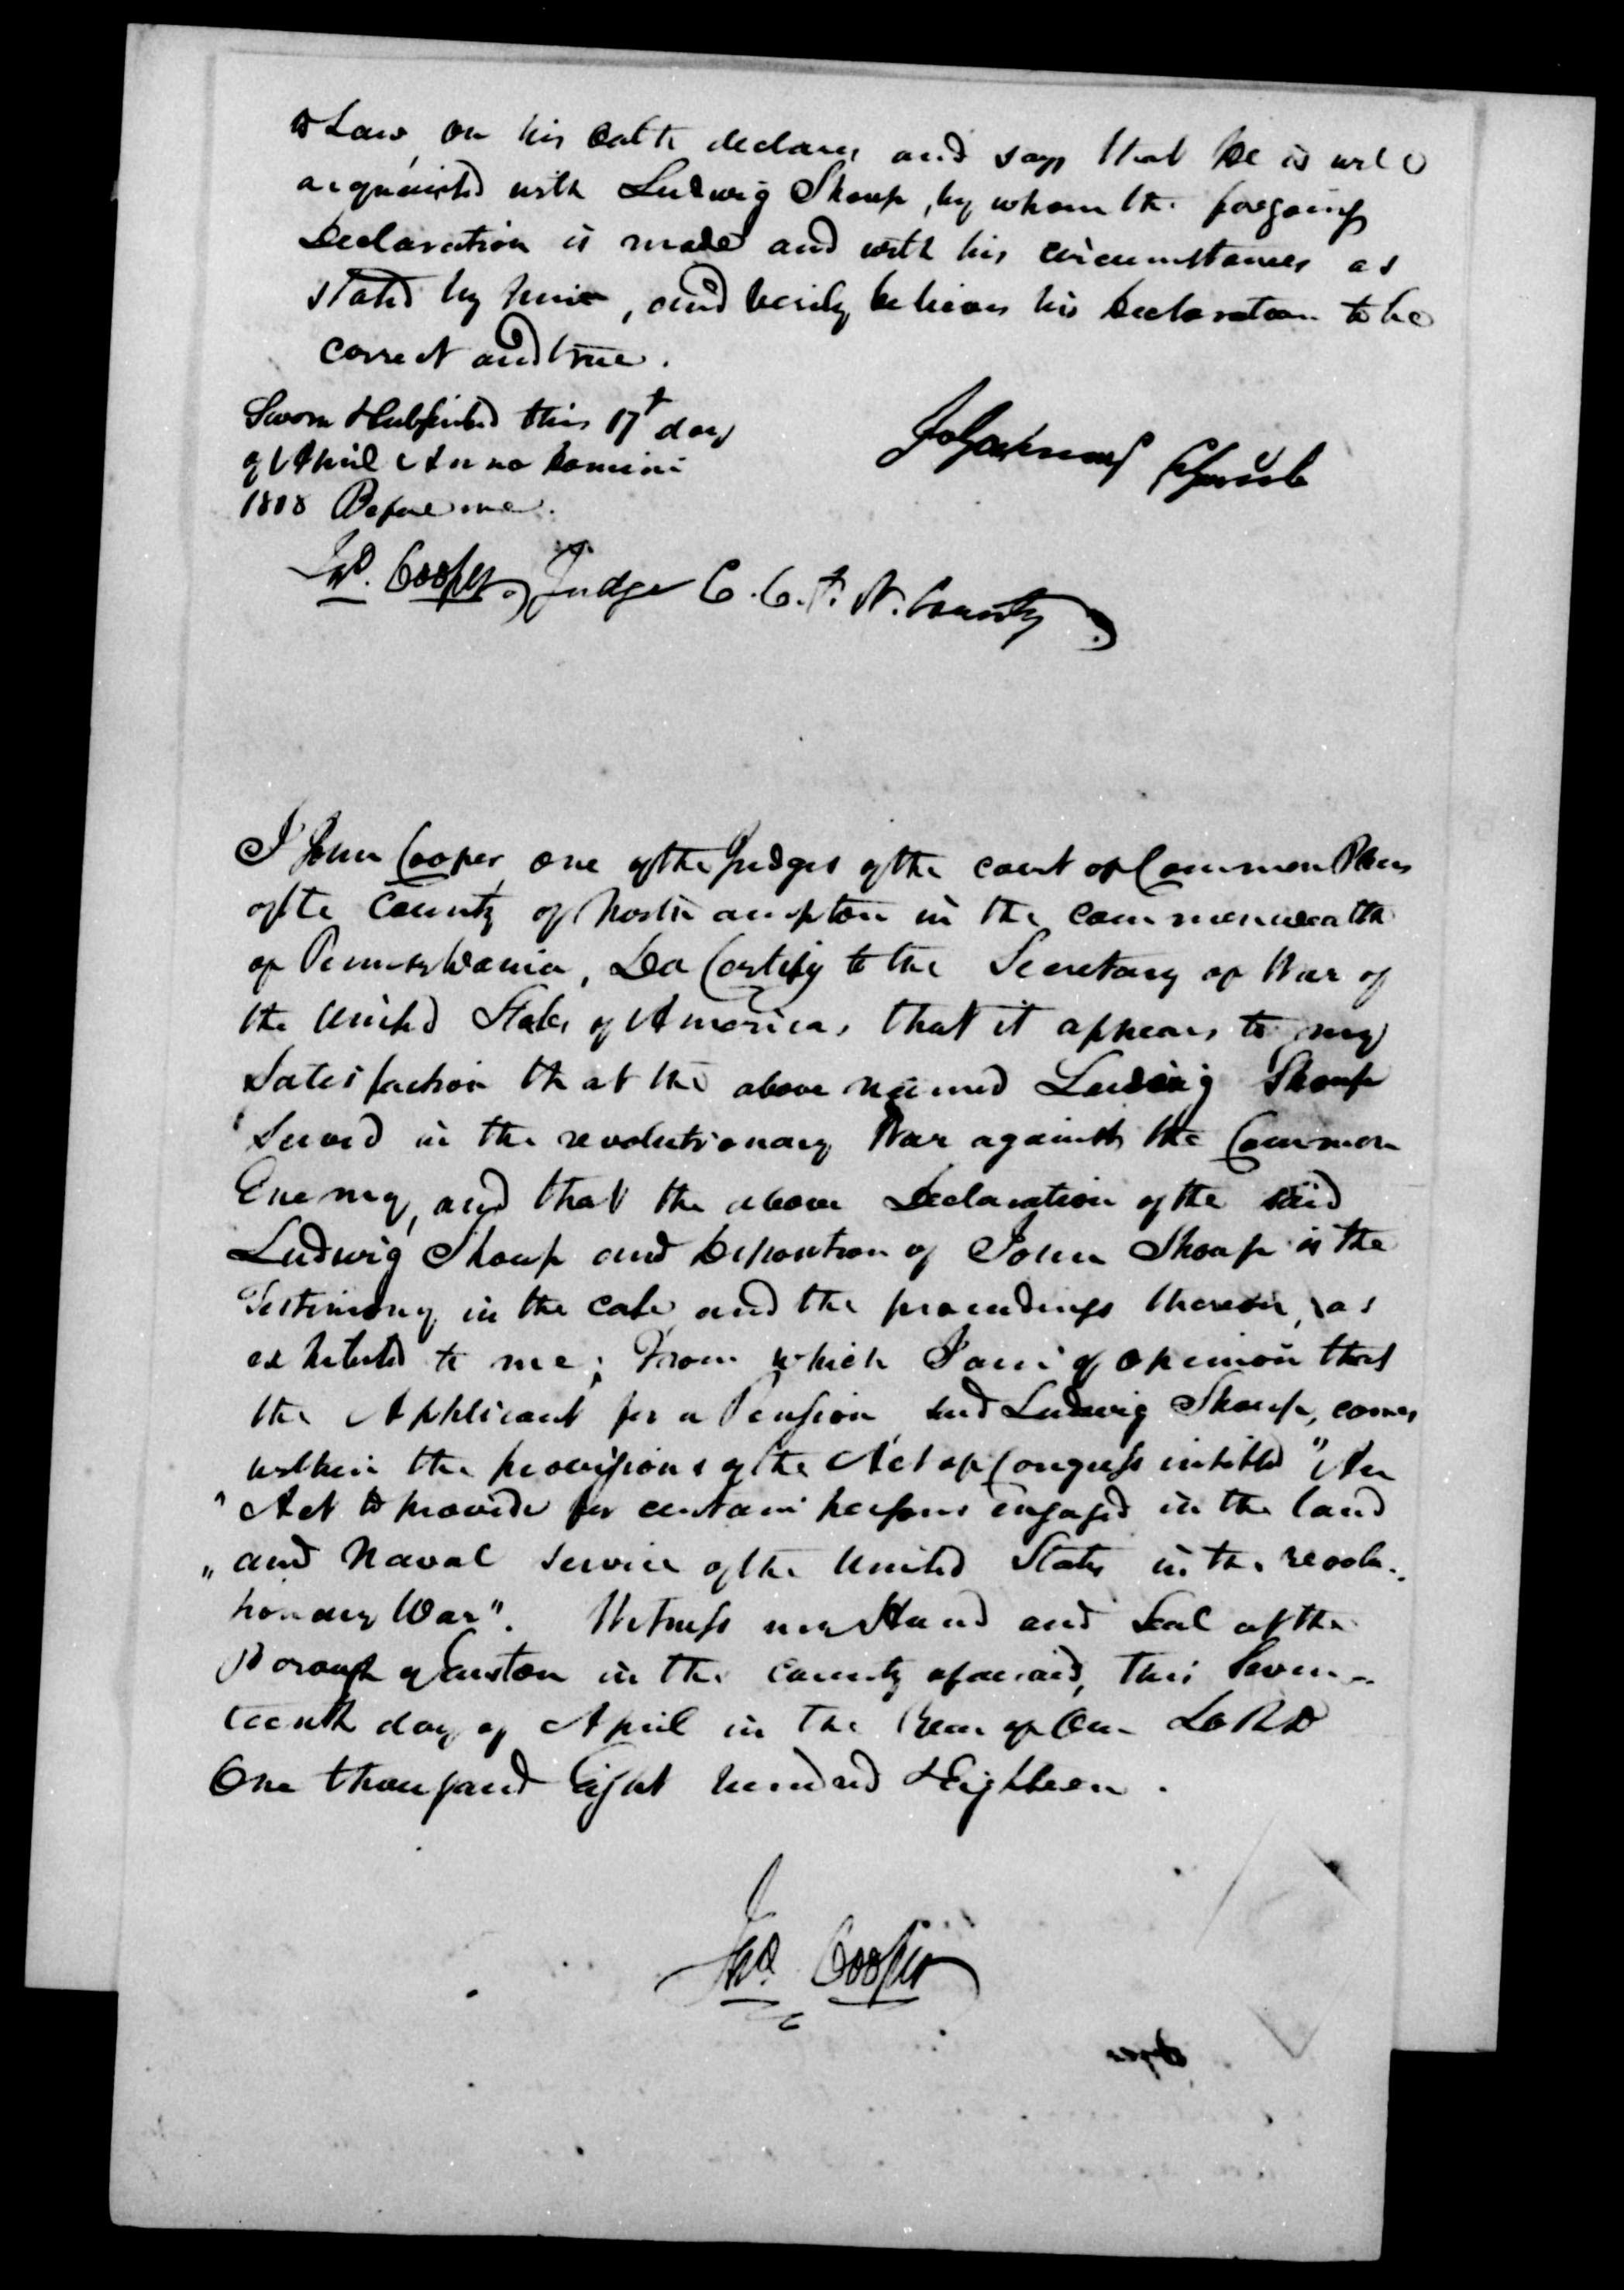to Law on his oath declare, and say that he is well acquainted with Ludwig Shoup, by whom the foregoing Declaration is made and with his circumstances as stated by him and verily believes his Declaration to be correct and true.
(Signed) Johannes Shoup

Sworn & Subscribed this 17th day
of April Anno Domini
1818 Before me
(Signed) W. Cooper Judge C.C. & N. County


I John Cooper one of the Judges of the court of Common Pleas of the County of Northampton in the Commonwealth of Pennsylvania, Do Certify to the Secretary of War of the United States of America, that it appears to my Satisfaction that the above named Ludwig Shoup Served in the revolutionary War against the Common Enemy and that the above Declaration of the said Ludwig Shoup and Deposition of John Shoup is the Testimony in the case and the proceedings therein as stated to me; from which I am of opinion that the Applicant for a Pension said Ludwig Shoup, comes within the provision of the Act of Congress entitled "An Act to provide for certain persons engaged in the land and Naval Service of the United States in the revolutionary war".  Witness my Hand and Seal of the Borough of Easton in the County aforesaid, this Seventeenth day of April in the Year of Our Lord One thousand Eight hundred & Eighteen.
(Singed) Jno Cooper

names: John Cooper; Ludwig Shoup; Ludwig Shoup; Jno Cooper; Johannes Shoup; John Shoup; Ludwig Shoup; Jno Cooper; Ludwig Shoup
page: 12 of 19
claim: survivor's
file: S. 40410, for Ludwig Shoup, Pennsylvania